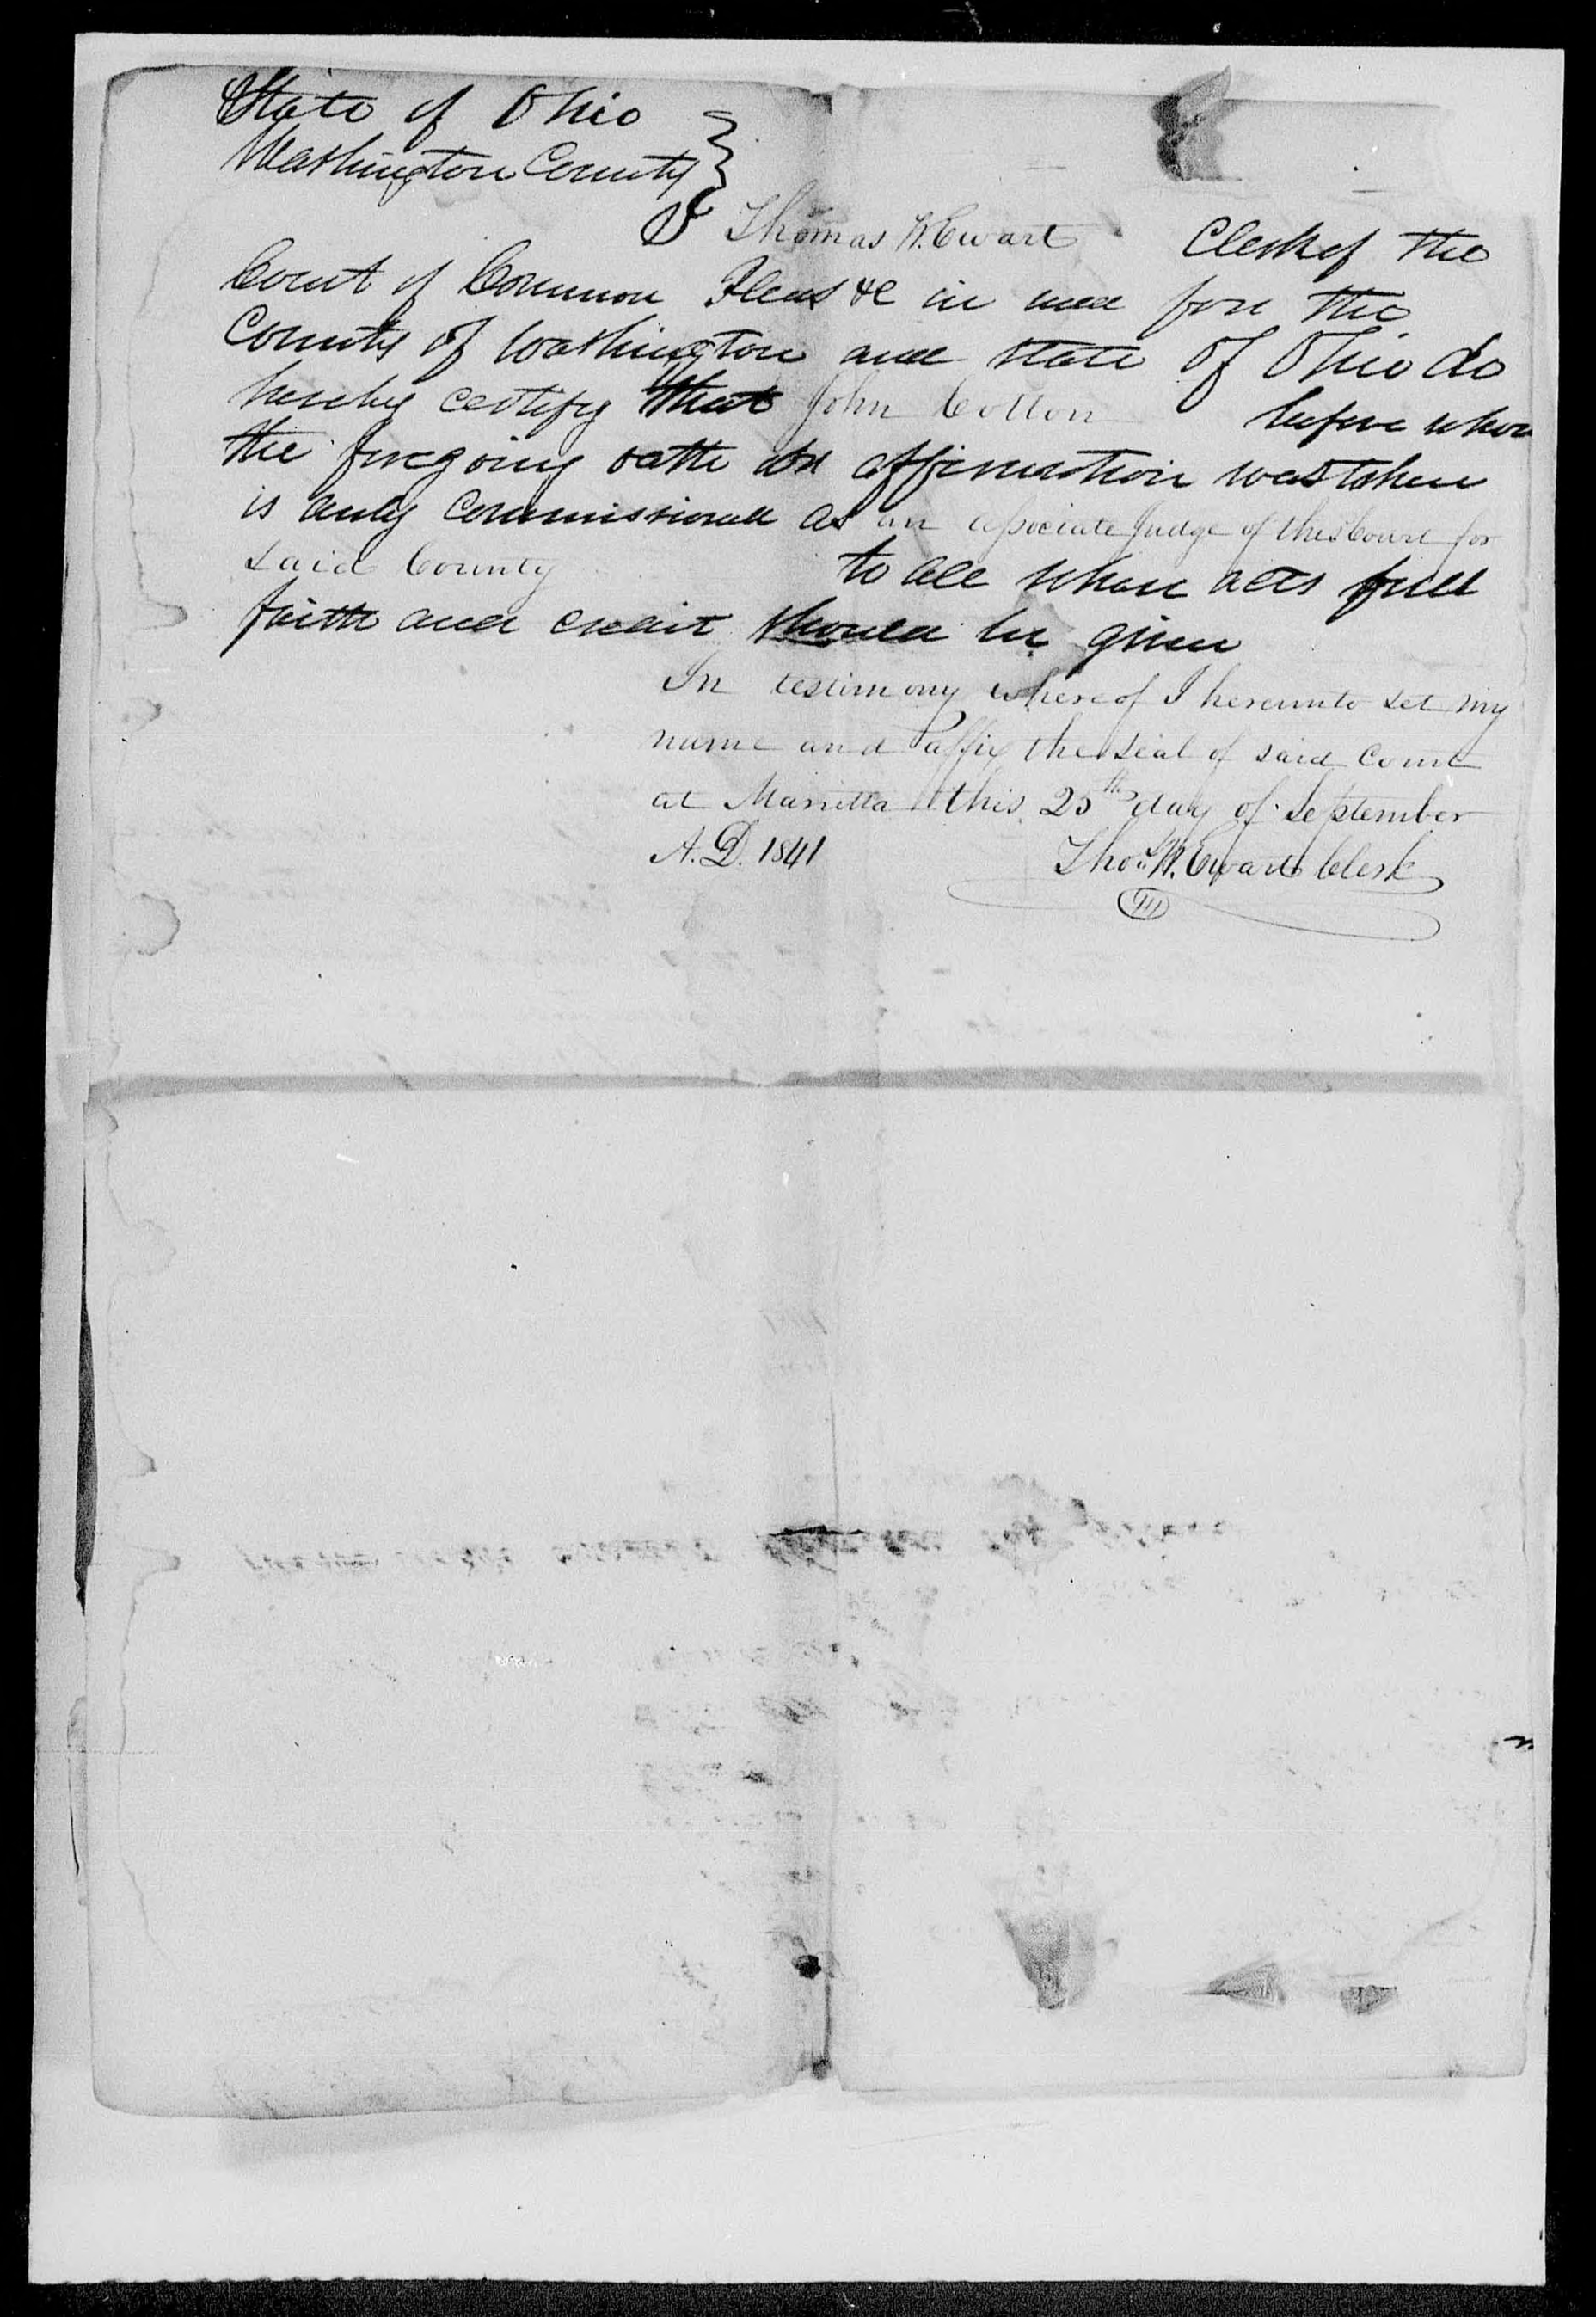State of Ohio
Washington County }
I Thomas W Ewart, Clerk of the Court of Common Pleas in and for the County of Washington and State of Ohio do hereby certify that John Cotton before whom the foregoing oath and affirmation was taken is duly commissioned as an Associate Judge of this Court for said County to all whose acts full faith and credit should be given.
In testimony whereof I hereunto set my name and affix the seal of said court at Marietta this 25th day of September A.D. 1841

Thos W. Ewart Clerk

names: John Cotton, Thomas W Ewart, Thos W Ewart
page: 35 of 35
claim: rejected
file: R. 2066, William Clutter, New Jersey